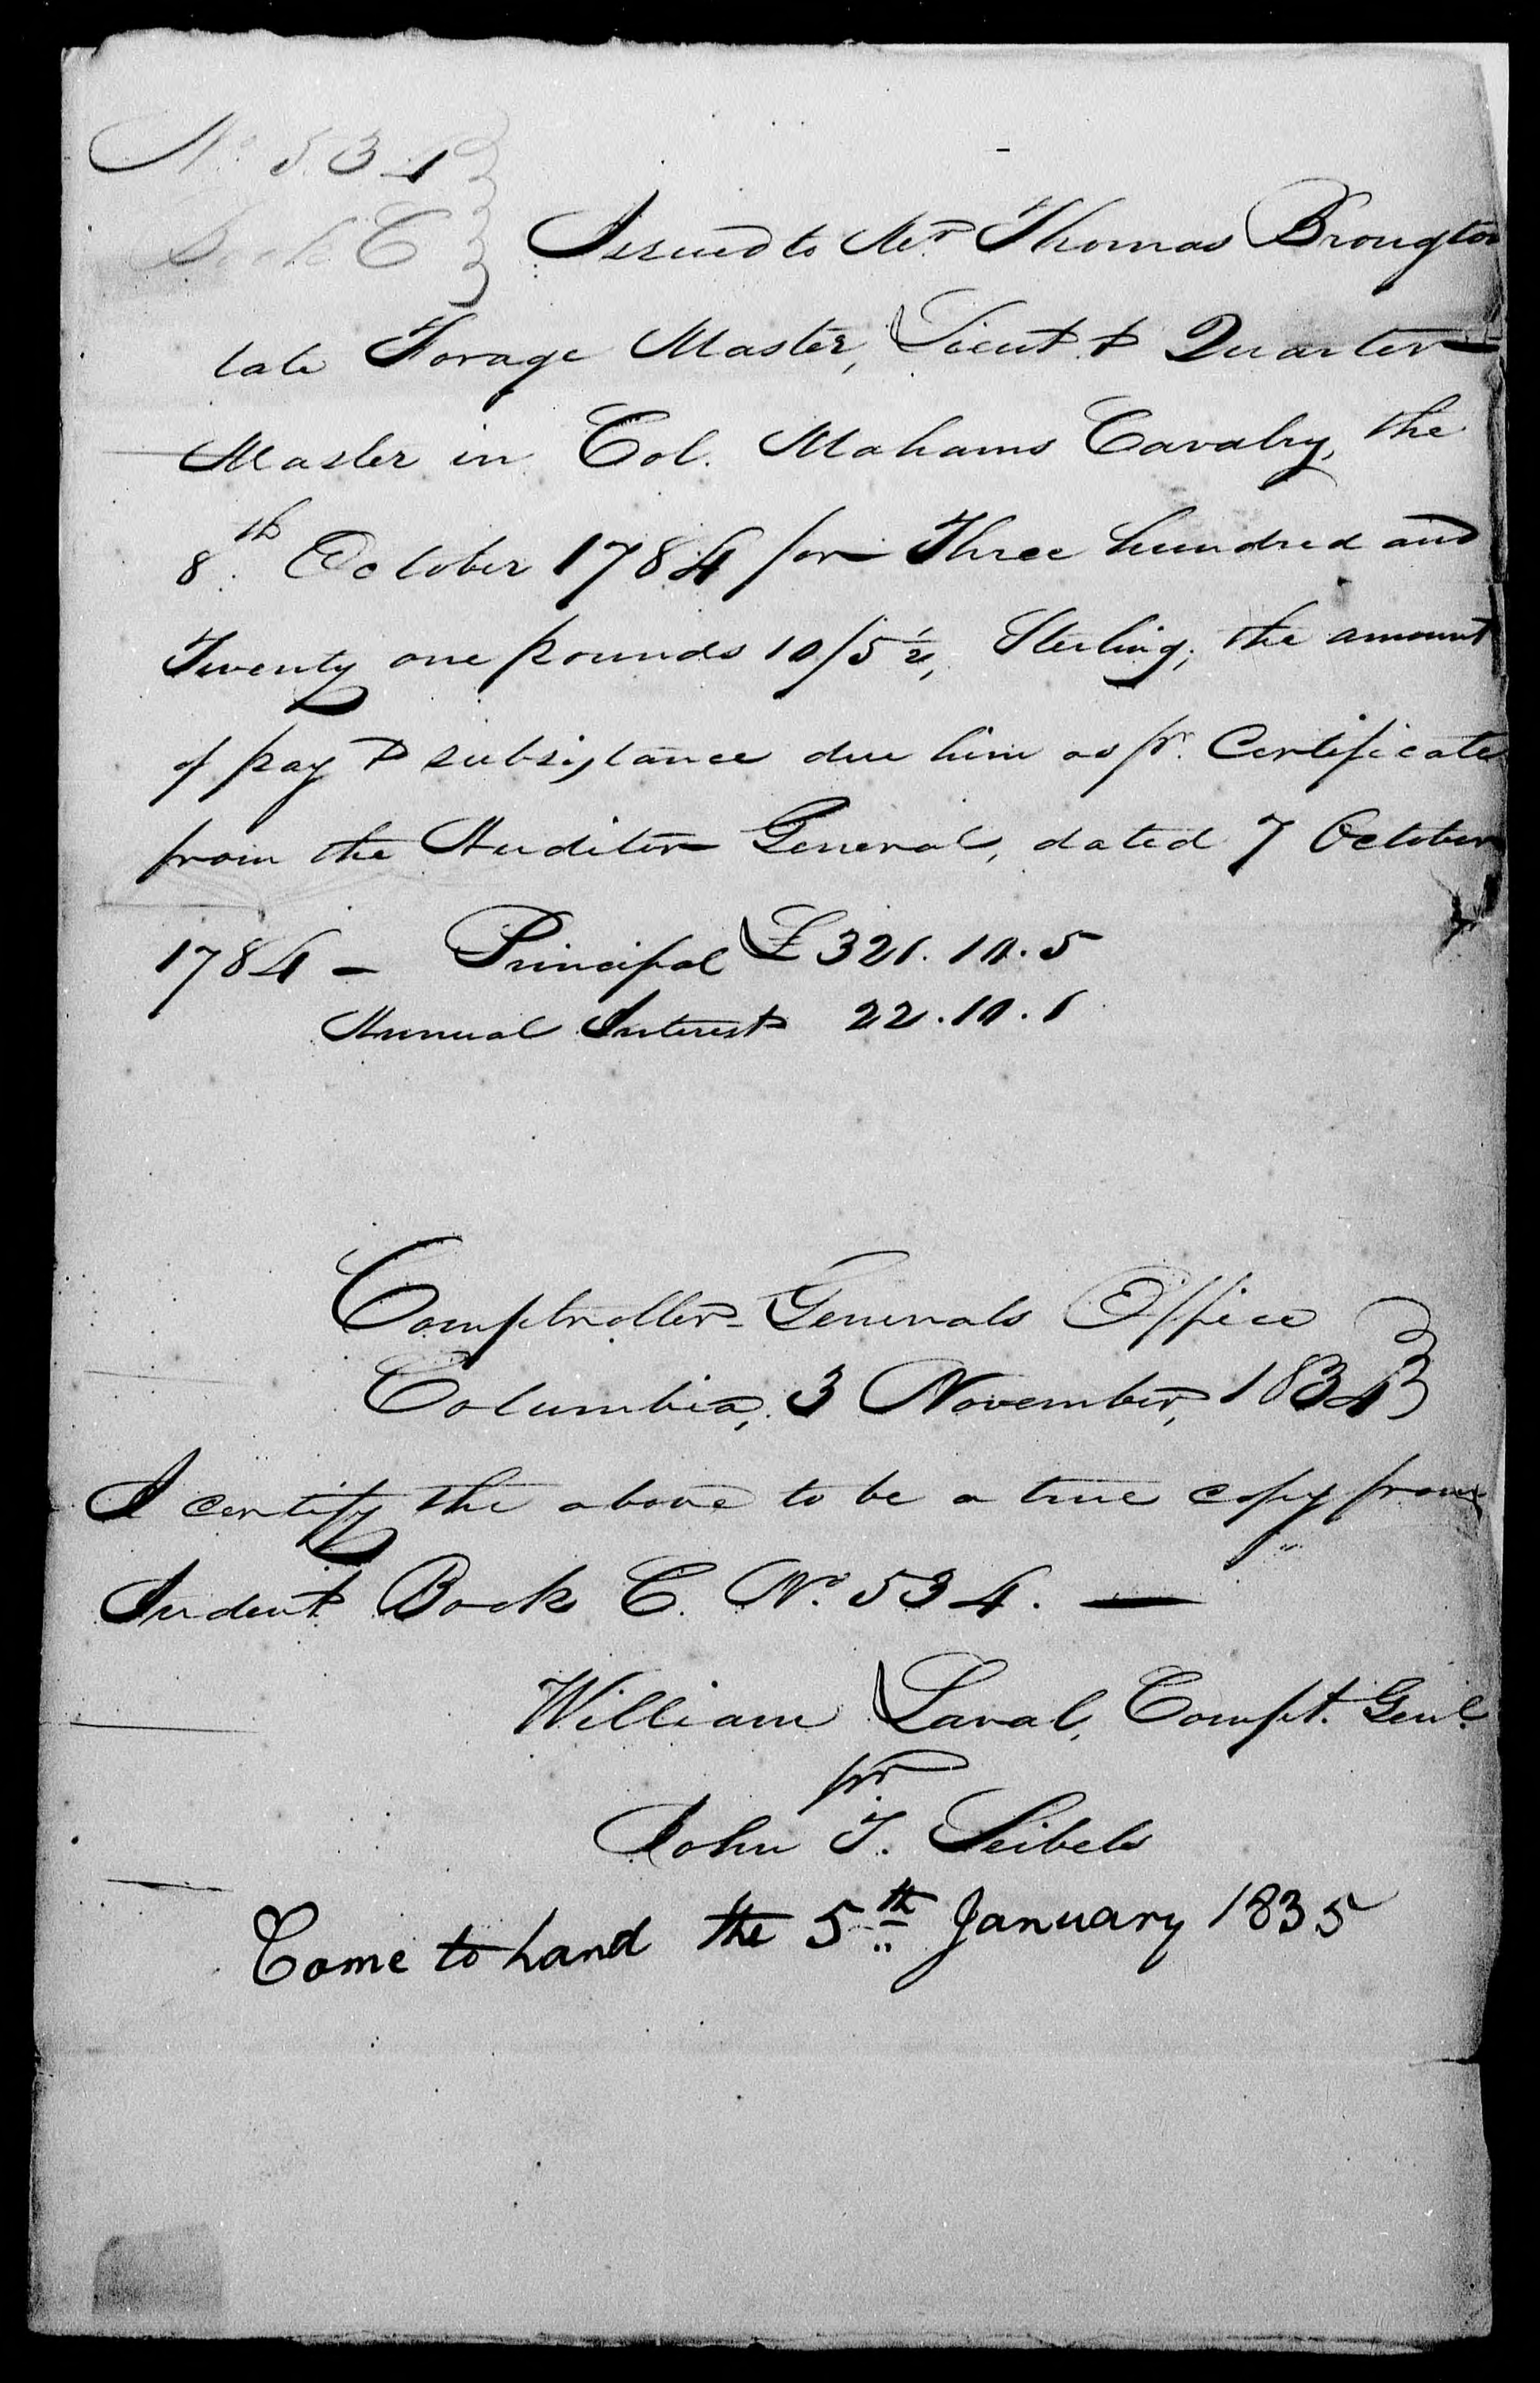No 534 Book C Issued to Mr Thomas Broughton late Forage Master, Lieut & Quarter Master in Col. Mahams Cavalry the 8th October 1784 for Three hundred and Twenty one pounds 10/5½ Sterling, the amount of pay to subsistance due him as per Certificate from the Auditor General, dated October 7 1784 Principal £321.10.5
Annual Interest 22.10.1

Comptroller Generals Office
Columbia 3 November 1831
I certify the above to be a true copy from Indent  Book C. No. 534.
William Laval Compt Genl
for John T. Seibels
Came to hand the 5th January 1835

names: Mahams, William Laval, Thomas Broughton, John T Seibels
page: 40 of 72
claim: widow's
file: W. 897, Thomas Broughton, S.C.